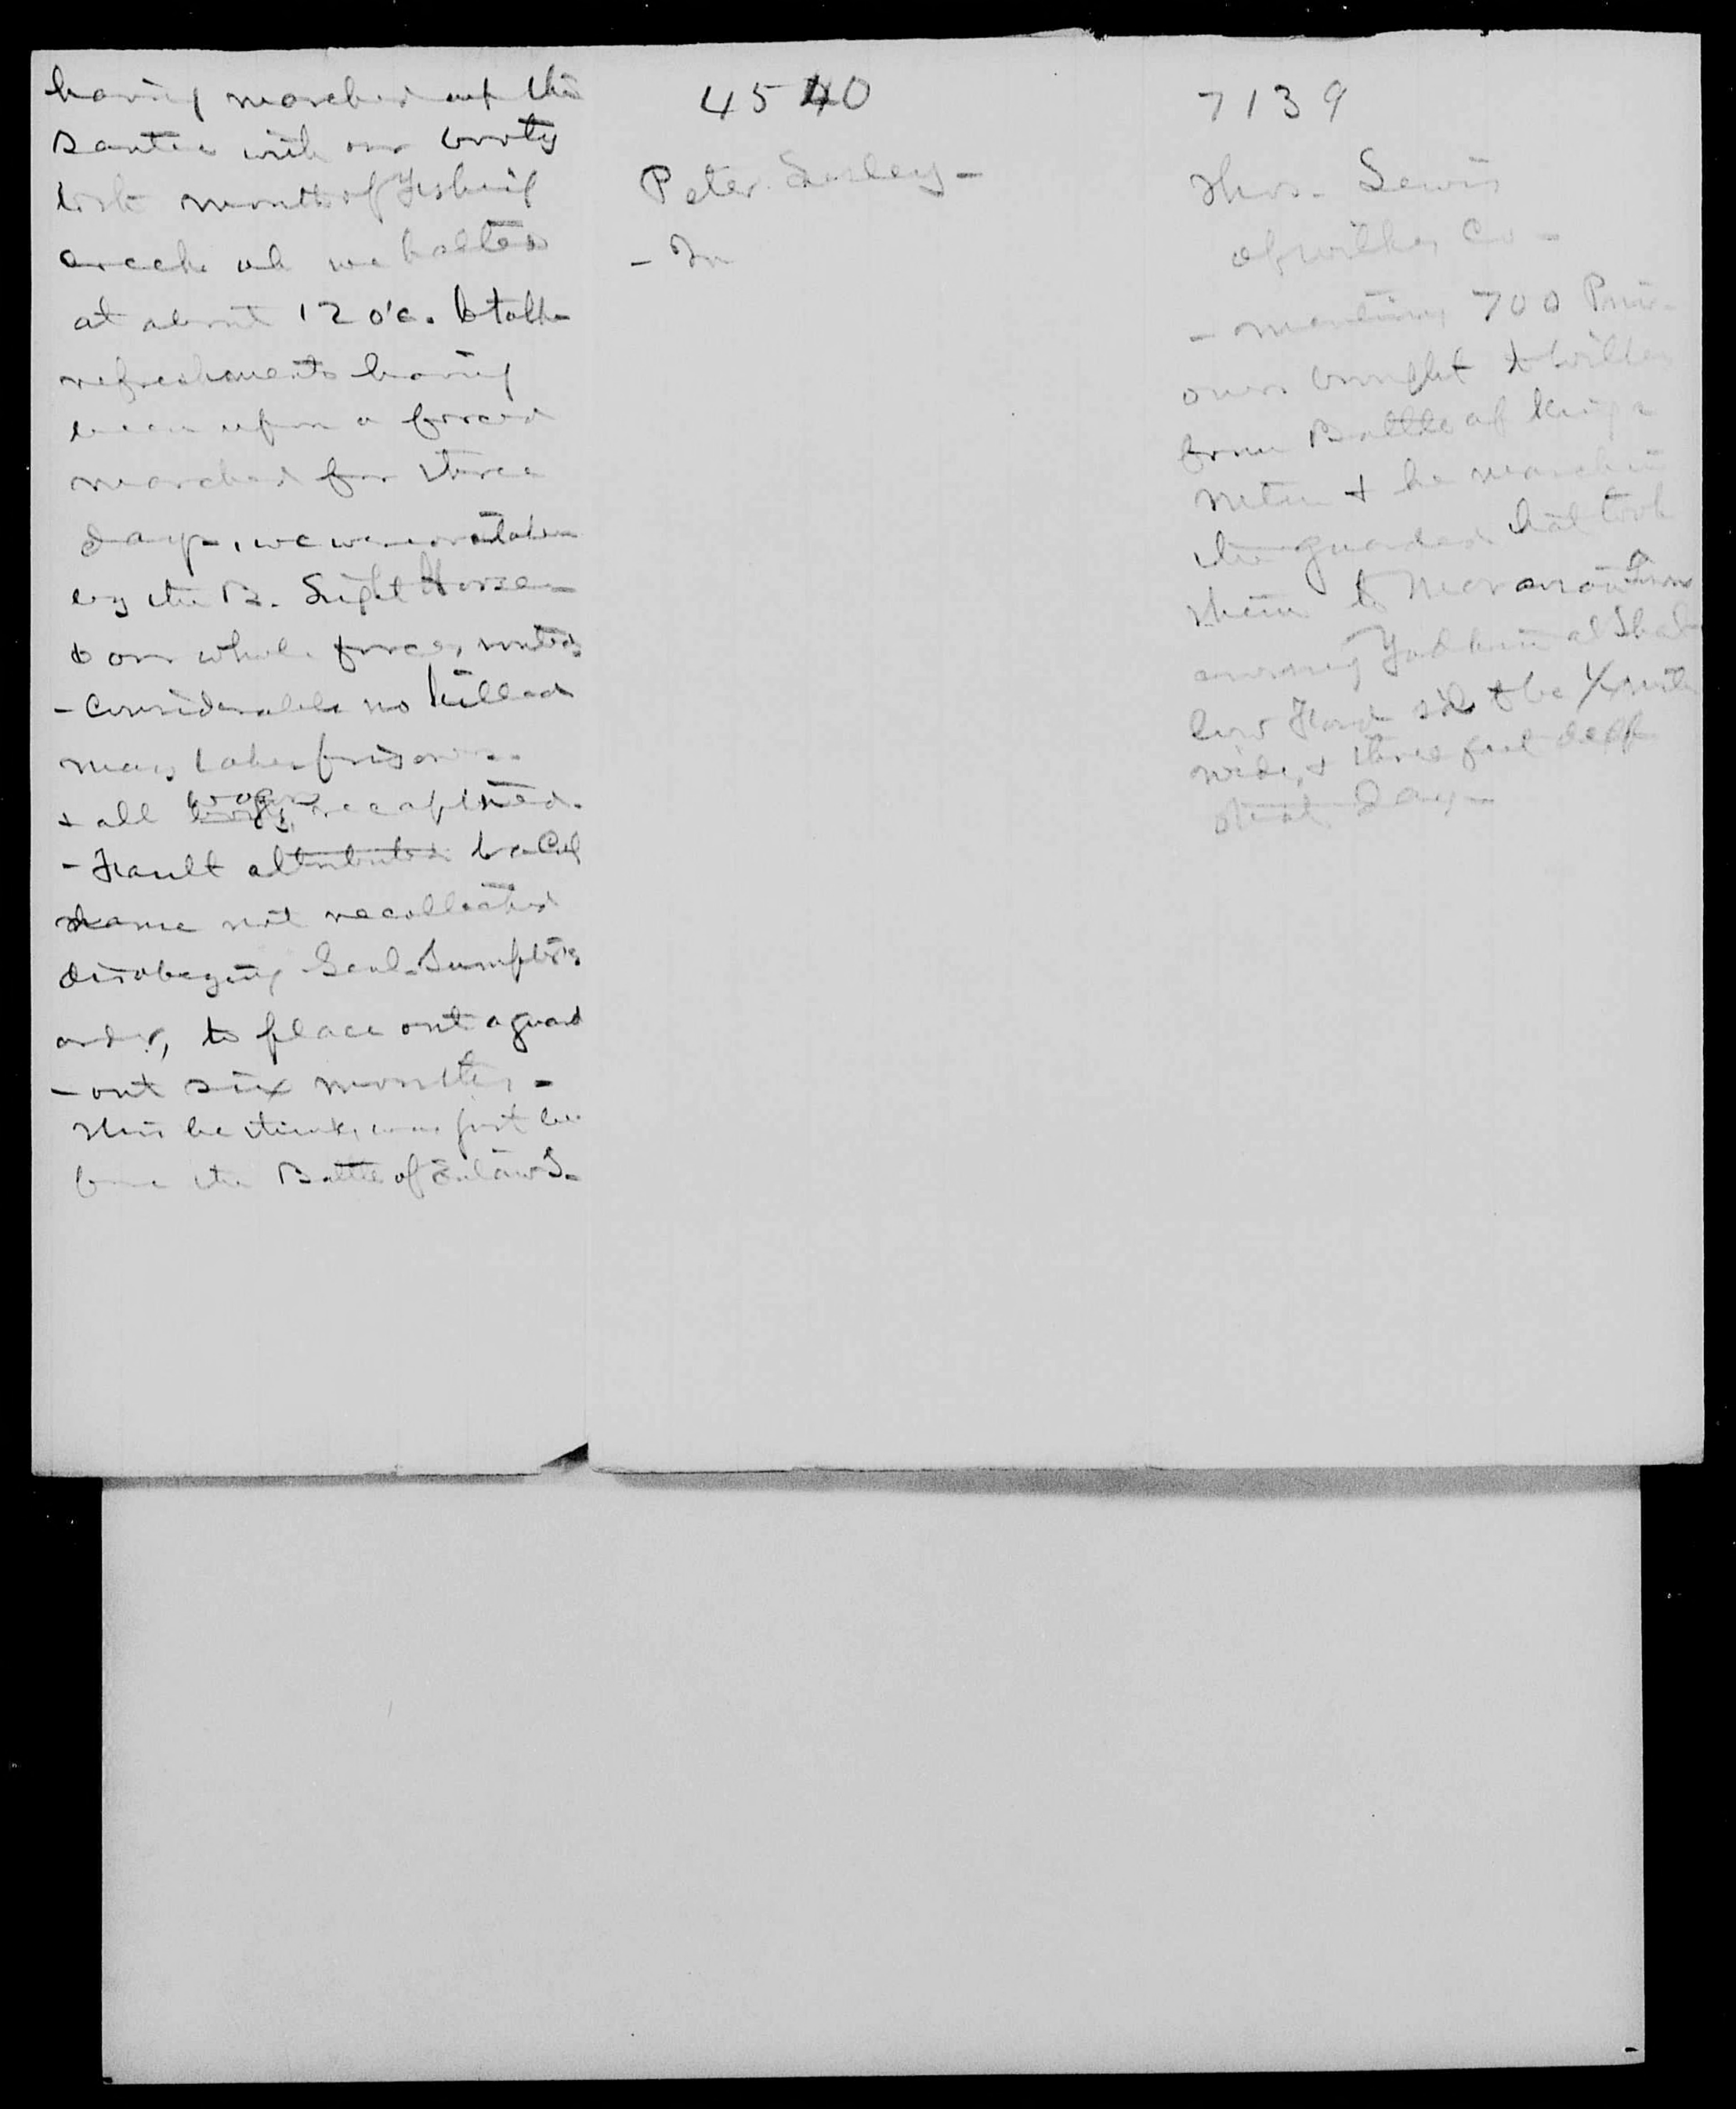having marched up the Santee with our booty mouth of Fisher Creek and we halted at about 12 o'c.  Took refreshments having been upon a forced march for three days.  We were taken by B. Light Horse & on whole forces, (illegible) considerable no killed many taken prisoner & all was recaptured - Fault attributed to a Col - name not recollected disobeying Genl Sumter's order, to place out a guard - out six months - Him be thinking was just before the Battle of Eutaw S.

(middle panel)
4540
Peter Lesley


(right panel)
7139
Thos Lewis
of Wilkes Co -
mentioning 700 prisoners brought  to Wilkes from Battle of Kings Mtn & he marching the guarded that took them to Moravian Town
(illegible) Yadkin at Shallow Ford said to be fourteen wide & three feet deep that day -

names: Peter Larley; Thos Lewis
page: 13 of 16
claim: survivor's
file: S 4506, for William Lawhorn, North Carolina